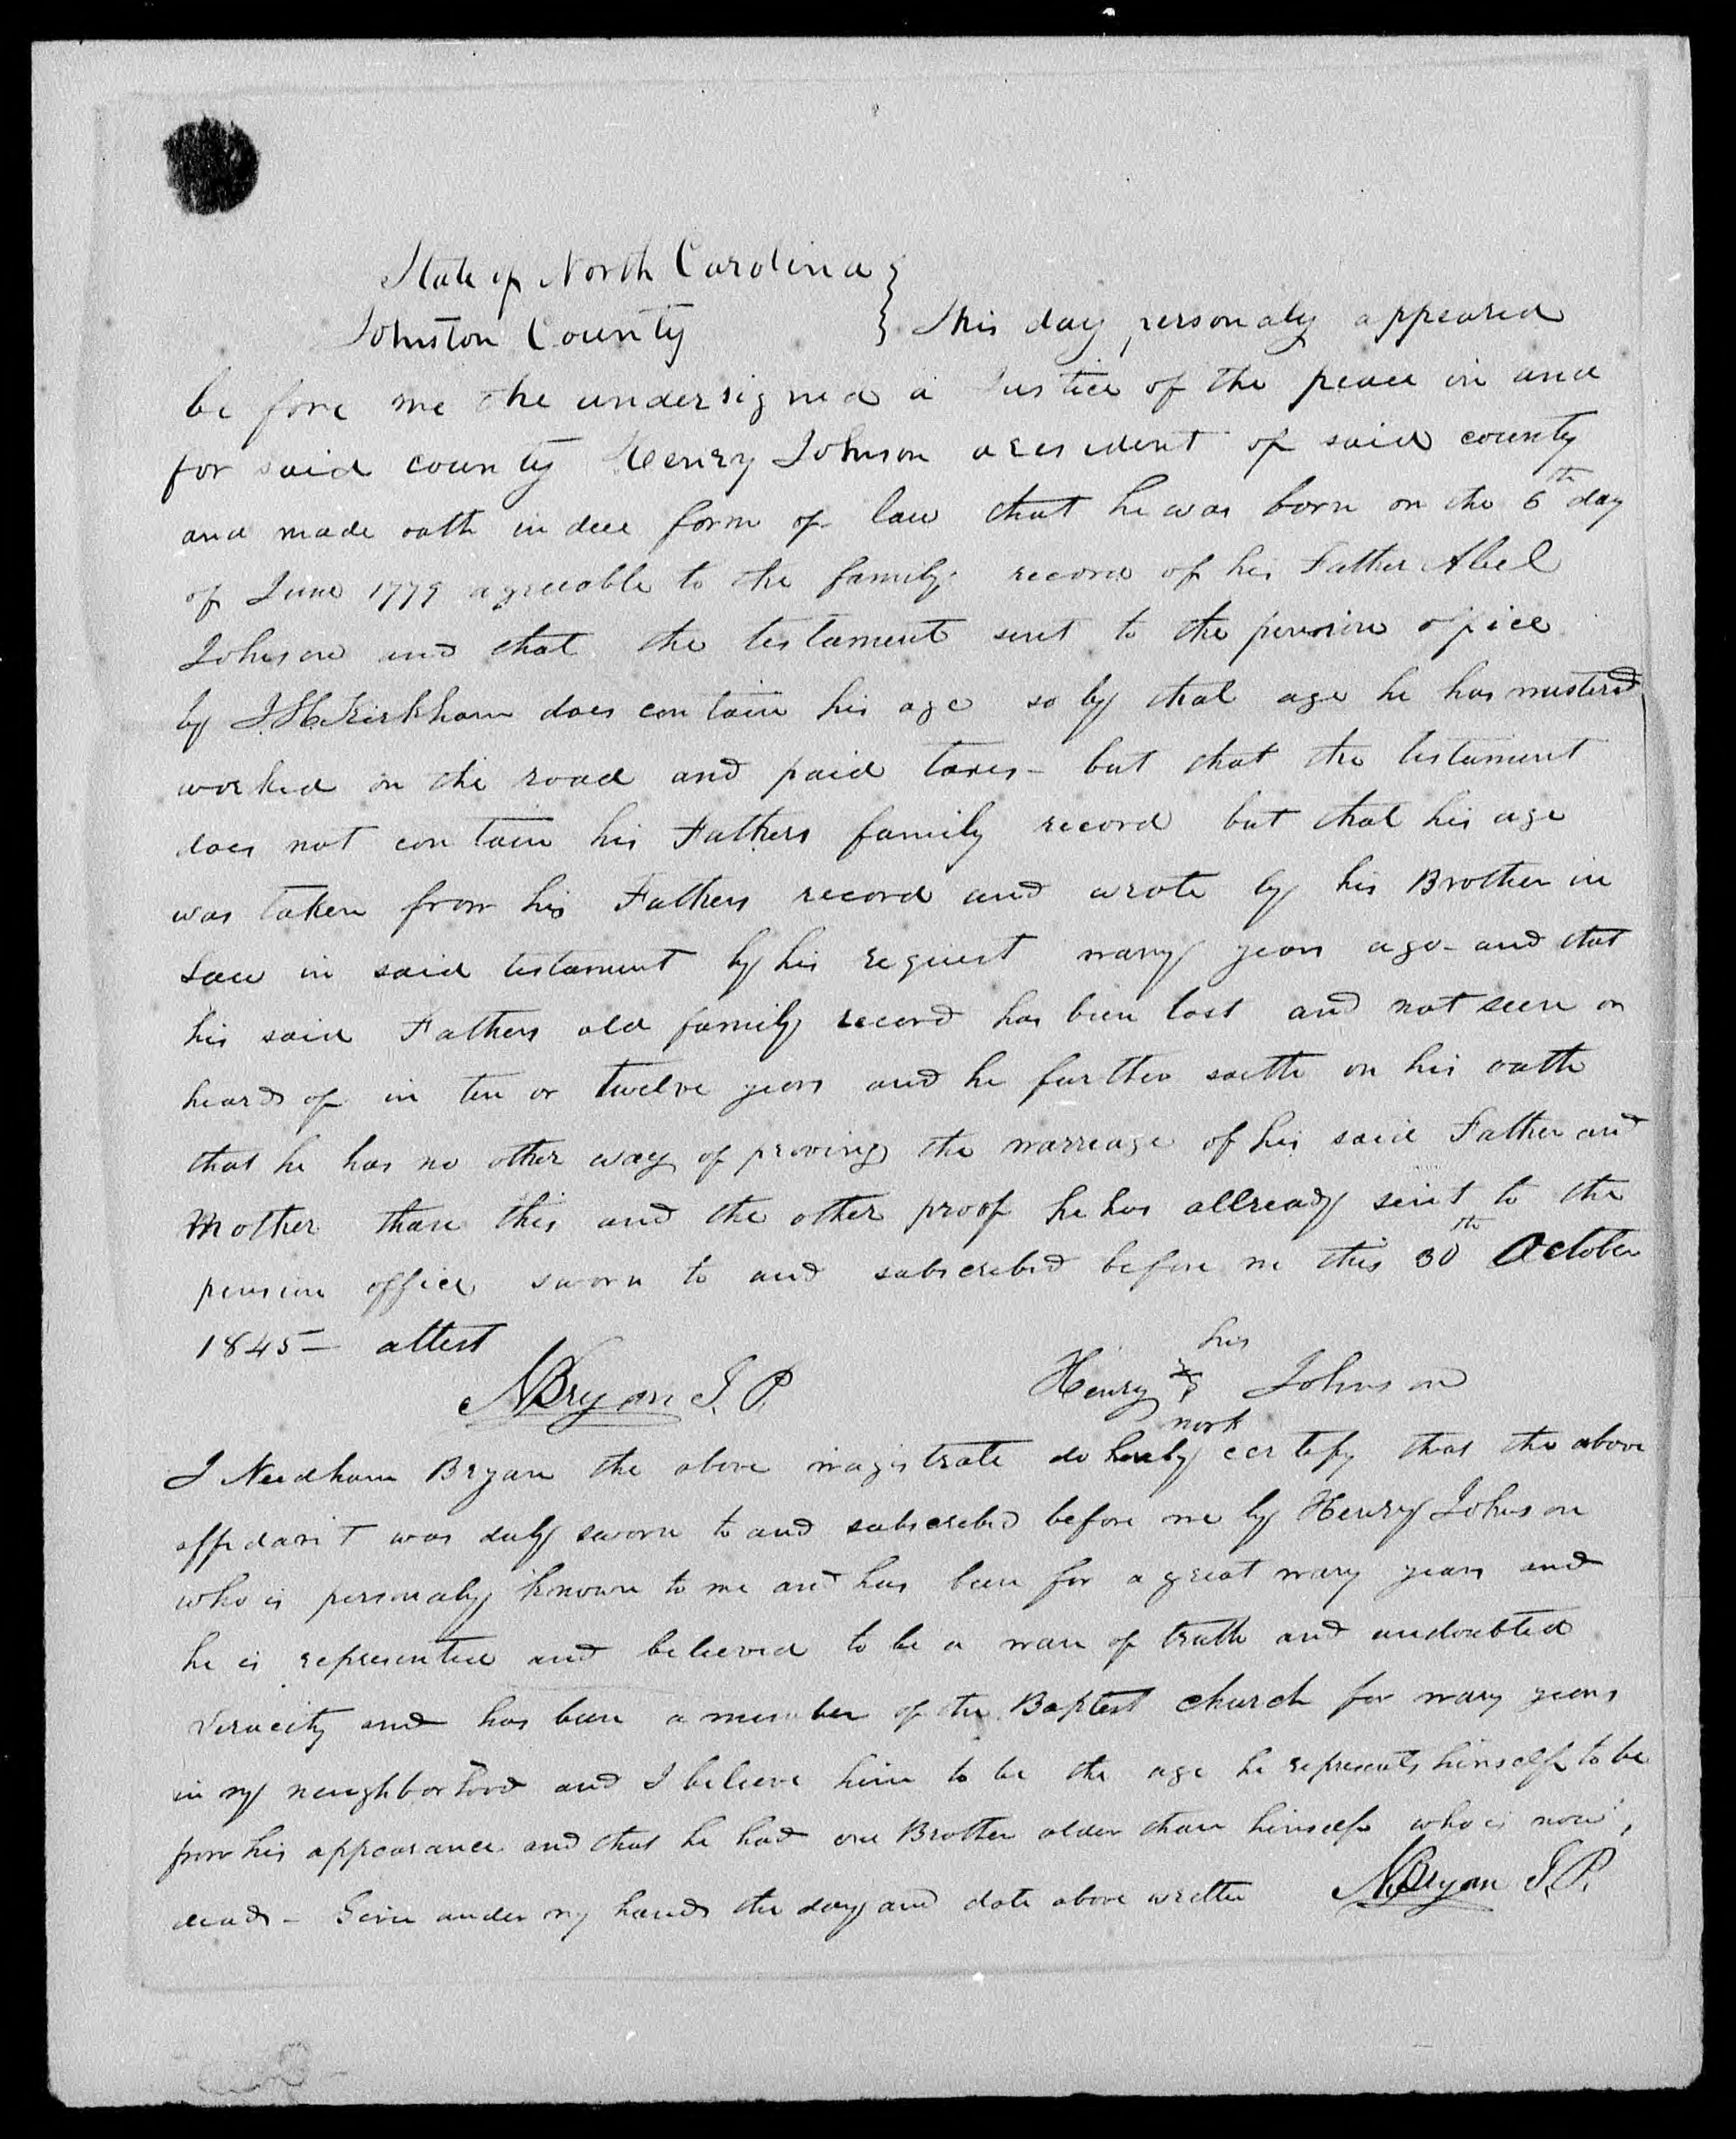State of North Carolina 
Johnston County 
This day personally appeared before me, the undersigned, a Justice of the Peace in and for said county, Henry Johnson, a resident of said county and made oath in due form of law that he was born on the 6th day of June 1779 agreeable to the family record of his father Abel Johnson and that the testament set to the pension office of J. H. Kirkham does contain his age so by that age he [Illegible]. But that the testament does not contain his father’s family record but that his age was taken from his father’s record and wrote by his brother in law in said testament by his esquire many years ago and that his said father’s old family record has been lost and not seen on hand of in ten or twelve years and he further states on his oath that he has no other way of proving the marriage of his said father and mother than this and the other proof he has already sent to the pension office. Sworn to and subscribed before me this 30th October 1845.
N. Bryan, Justice of the Peace
Henry Johnson
I, Nathan Bryan, the above magistrate do hereby certify that the affiant was duly sworn and subscribed before me by Henry Johnson who is personally known to me and has been for a great many years and he is represented and believed to be a man of truth and undoubted veracity and has been a member of the Baptist Church for many years, in my neighborhood. And I believe him to be the age he represents himself to be from his appearance and that he has one brother older than himself who is dead. Given under my hand on the day and data above written.
N. Bryan, Justice of the Peace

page: 3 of 74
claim: rejected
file: R. 5600, for Abel Johnson, North Carolina